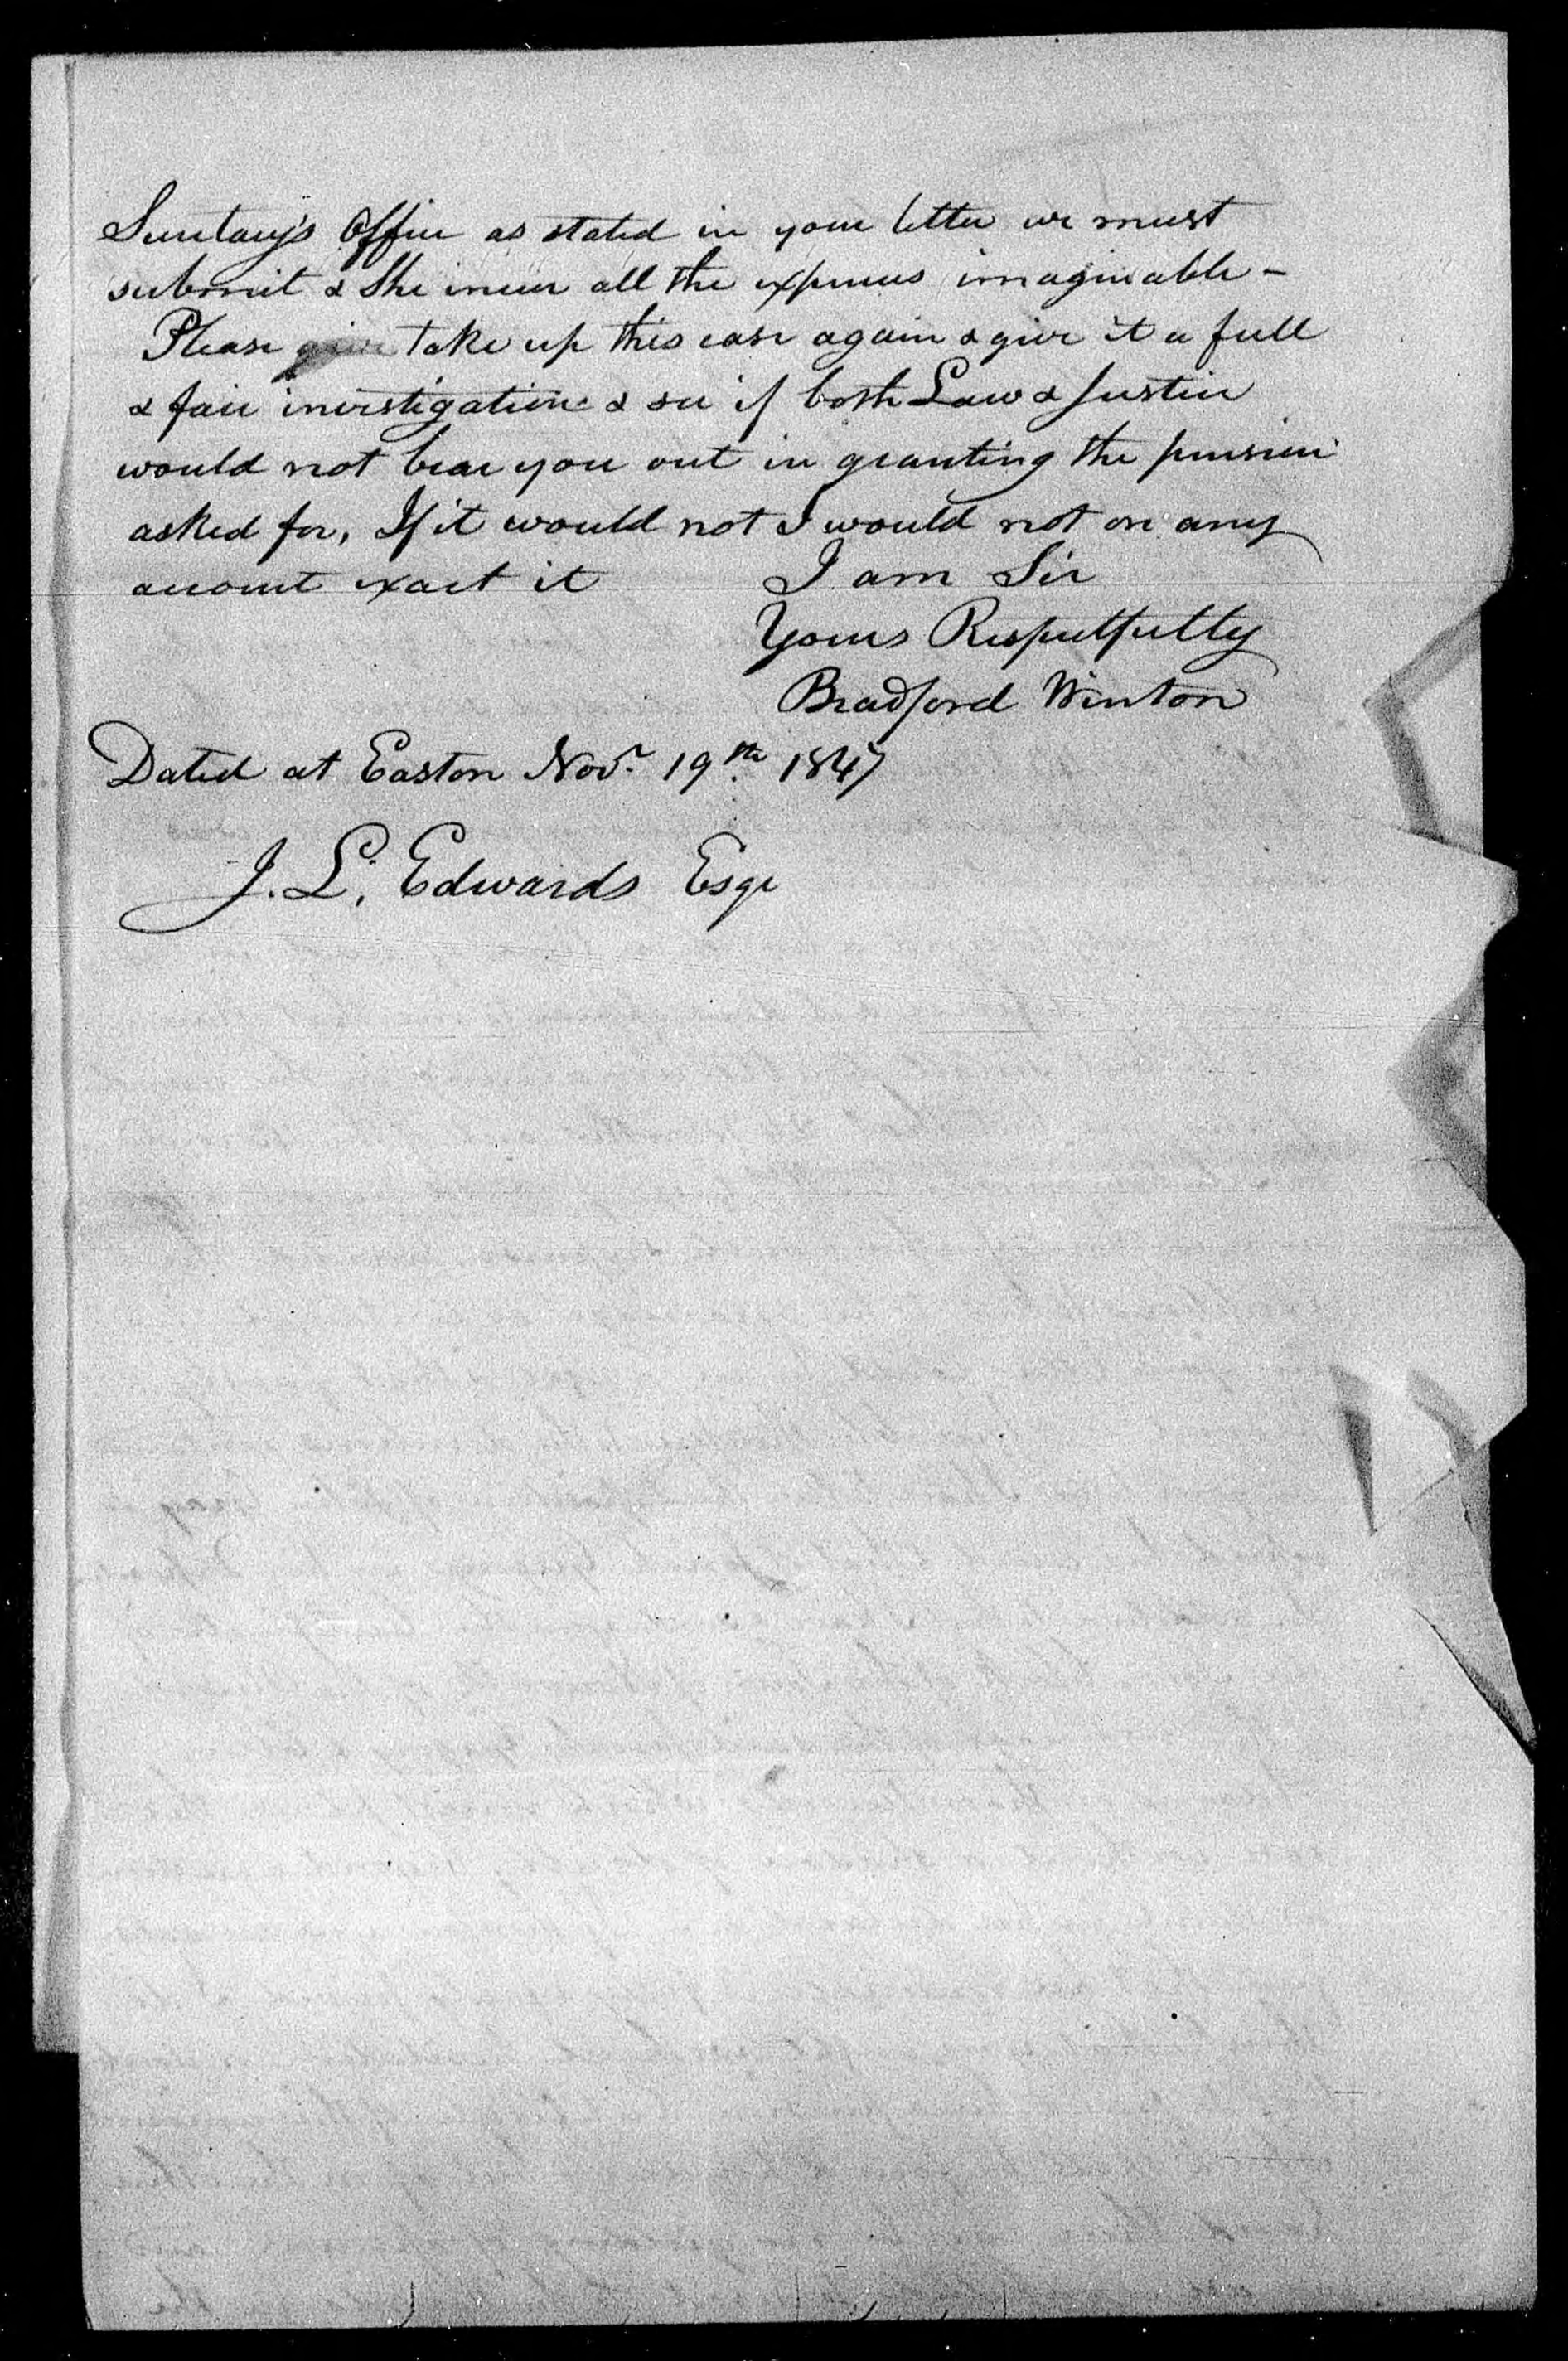Secretary's Office as stated in your letter we must
submit & she incur all the expenses imaginable-
Please give take up this case again I give it a full
& fair investigation & see if both Law a Justice
would not bear you out in granting the pension
asked for, If it would not I would not in any
amount exact it
I am Sir
Yours Respectfully
Bradford Winton
Dated at Easton Nov 19th 1847
J. L. Edwards Esq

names: Bradford Winton, J L Edwards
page: 49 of 49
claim: widow's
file: W 24308, Josiah Gregory, Conn.